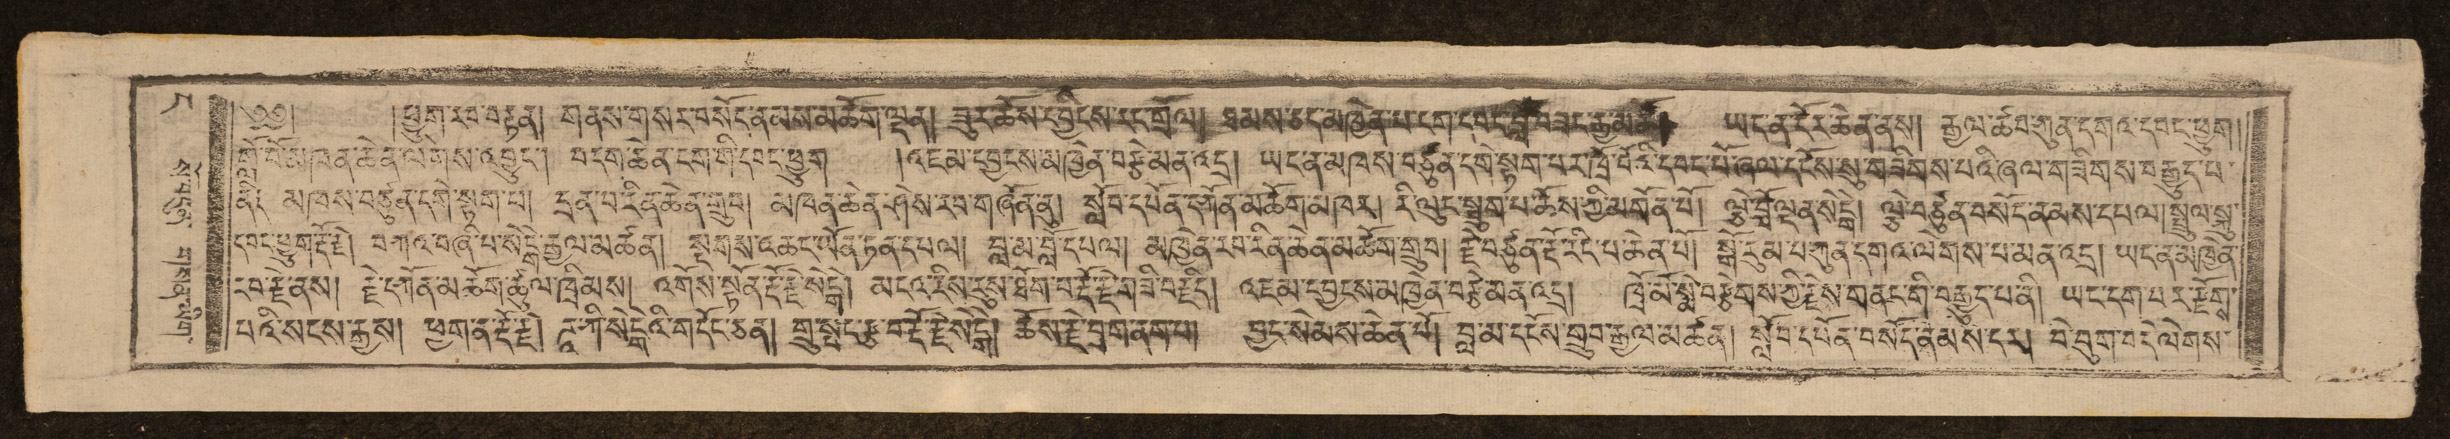༄༅། །ཕྱུག་རབ་བརྟན། གནས་གསར་བསོད་ནམས་མཆོག་ལྡན། ཟུར་ཆོས་དབྱིངས་རང་གྲོལ། ཐམས་ཅད་མཁྱེན་པ་ངག་དབང་བློ་བཟང་རྒྱ་མཚོ། ཡང་ན་ངོར་ཆེན་ནས། རྒྱལ་ཚབ་ཀུན་དགའ་དབང་ཕྱག།
གློ་བོ་མཁན་ཆེན་ལེགས་འབྱུང་། བདག་ཆེན་དག་གི་དབང་ཕྱུག །འཇམ་དབྱངས་མཁྱེན་བརྩེ་མན་འདྲ། ཡང་ན་མཁས་བཙུན་དགེ་སྟག་པར་ཁྲོ་བོའི་དབང་པོ་ཞལ་དངོས་སུ་གཟིགས་པའི་ཞལ་གཟིགས་བརྒྱུད་པ་
ནི༑ མཁས་བཙུན་དགེ་སྟག་པ། དྲན་པ་རིན་ཆེན་གྲུབ། མཁན་ཆེན་ཤེས་རབ་གཞོན་ནུ། སློབ་དཔོན་དཀོན་མཆོག་མཁར། རི་ལུང་སྦུག་པ་ཆོས་ཀྱི་མགོན་པོ། ལྕེ་བློ་ལྡན་སེངྒེ། ལྕེ་བཙུན་བསོད་ནམས་དཔལ། སྤྲུལ་སྐུ་
དབང་ཕྱུག་རྡོ་རྗེ། བཀའ་བཞི་པ་སེངྒེ་རྒྱལ་མཚན། སྔགས་འཆང་ཡོན་ཏན་དཔལ། བླ་མ་བློ་དཔལ། མཁྱེན་རབ་རིན་ཆེན་མཆོག་གྲུབ། རྗེ་བཙུན་རྡོ་རིང་པ་ཆེན་པོ། སྒོ་རུམ་པ་ཀུན་དགའ་ལེགས་བ་མན་འདྲ། ཡང་ན་མཁྱེན་
རབ་རྗེ་ནས། རྗེ་དཀོན་མཆོག་ཚུལ་ཁྲིམས། འགོས་སྟོན་རྡོ་རྗེ་སེངྒེ། མངའ་རིས་རུས་ཐོག་པ་རྡོ་རྗེ་བི་བརྗིད། འཇམ་དབྱངས་མཁྱེན་བརྩེ་མན་འདྲ། ཁྲོ་མོ་སྨེ་བརྩེགས་ཀྱི་རྗེས་གནང་གི་བརྒྱུད་པ་ནི། ཡང་དག་པར་རྫོགས་
པའི་སངས་རྒྱས། ཕྱག་ན་རྡོ་རྗེ། ཊཱ་ཀི་སེངྒེའི་གདོང་ཅན། གྲུ་སྤང་རྩ་བ་རྡོ་རྗེ་སེངྒེ། ཆོས་རྗེ་བྲག་ནག་པ། བྱང་སེམས་ཆེན་པོ། བླ་མ་དངོས་གྲུབ་རྒྱལ་མཚན། སློབ་དཔོན་བསོད་ནམས་དང་། བེ་བུག་བདེ་ལེགས་